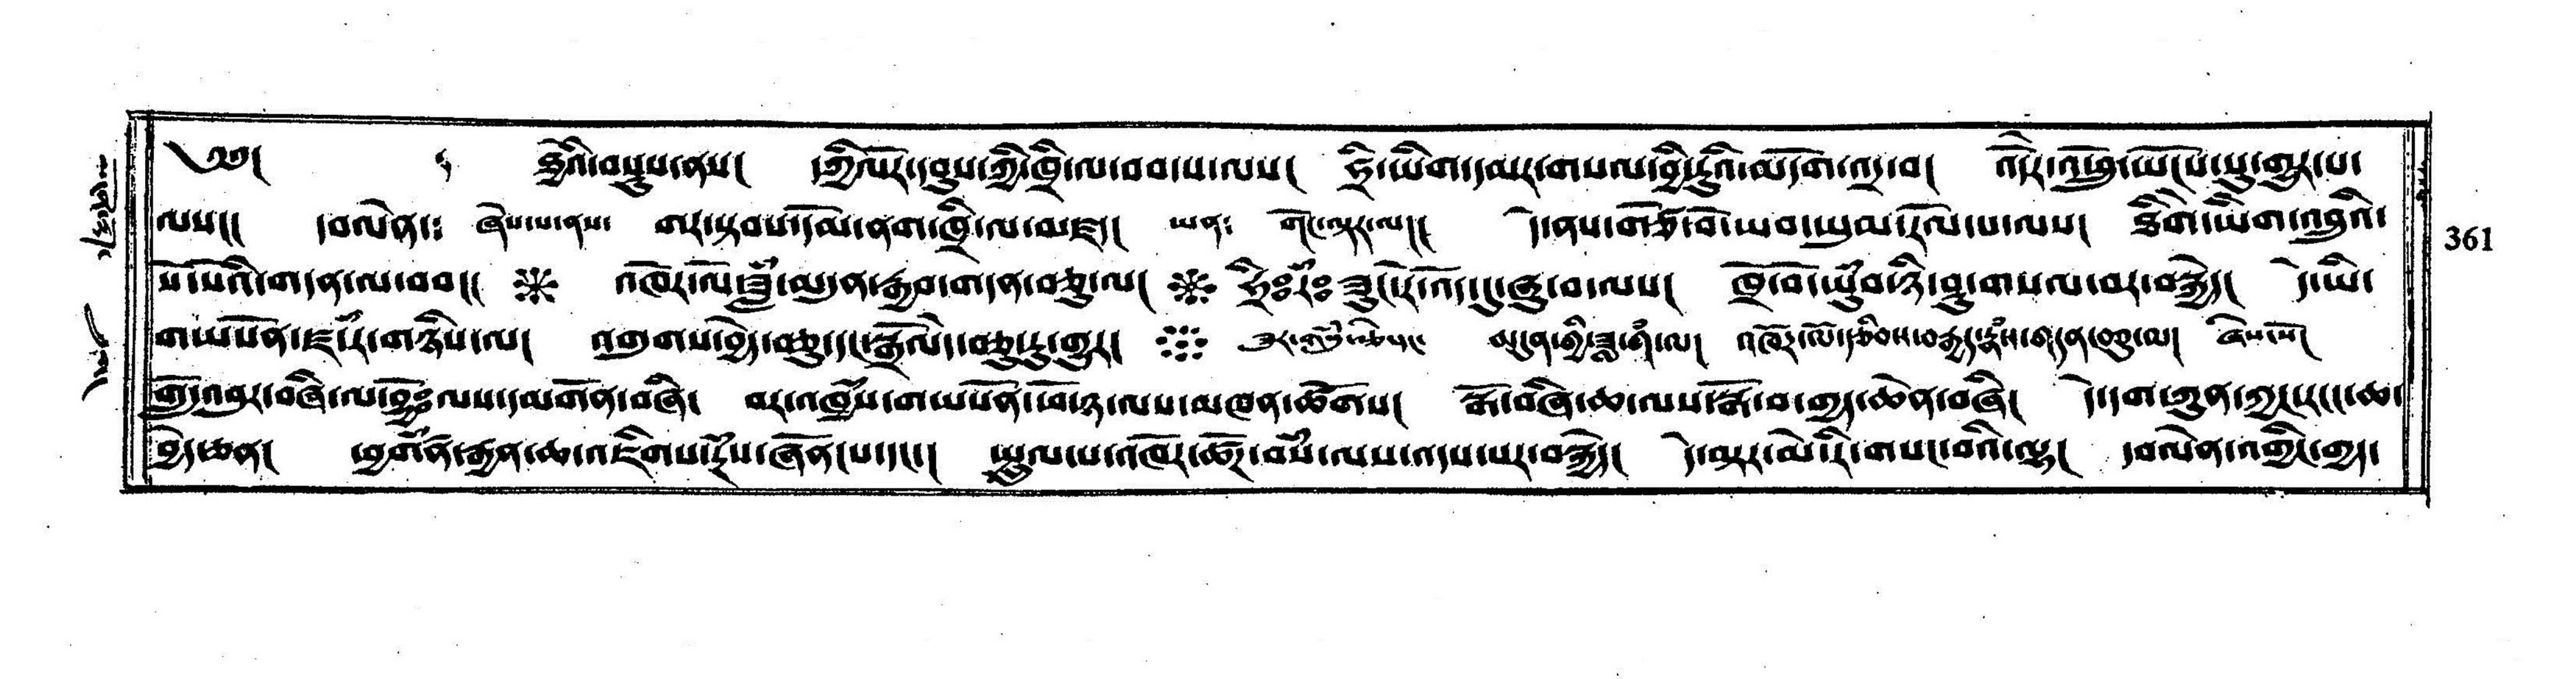ཐུགས་རྗེའི་བསྡུས་ནས། དཀྱིལ་འཁོར་དབུས་ཀྱི་ཁྲི་ལ་བབ་པ་ལས། ཧྲི་ཡིག་དམར་གསལ་བྱི་རུའི་མདོག་འདྲ་བ། འོད་ཟེར་འཕྲོ་འདུ་ཡོངས་སུ་གྱུར་པ་
ལས།། དབལ་ཆེན༴ ཞེས་པ་ནས། གར་སྟབས་དོམ་ནག་ཁྲི་ལ་མཛད། ཡན༴ གོང་ལྟར་ལ།། དེ་ནས་གཙོ་བོ་ཡབ་ཡུམ་རོལ་པ་ལས། ཐིག་ལེ་ཡིག་འབྲུ་
སོ་སོའི་གདན་ལ་བབ།། * འཁོར་ལོ་ཟླ་གམ་མདུན་རྒྱབ་གདན་བཅུ་ལ། * ཧྲིཿརཾཿཟུང་རེ་འོད་དུ་ཞུ་བ་ལས། ཁྲོ་བོ་ཡབ་ཡུམ་ཉི་ཤུ་གསལ་བར་བསྐྱེད། དེ་ཡི་
གཡས་གཡོན་ཛ་རཾ་གཉིས་ལ། འགུགས་བྱེད་བཅུ་དང་སྒྲོལ་བྱེད་བཅུ་རུ་གྱུར། * ཟུར་གསུམ་རྩེ་དང་མདུན་གྱི་ཟླ་གམ་ལ། འཁོར་ལོ་རྩིབས་བརྒྱད་རྣམས་གདན་བཅུ་ལ། ཞེས་སོ། 
གློ་འབུར་བཞི་ལ་བྷྱོཿལས་དམག་དཔོན་བཞི། བར་འཁྱམས་གཡས་གཡོན་ཕོ་ཉ་ལས་མཁན་ཚོགས། སྒོ་བཞི་ཆ་ལས་སྒོ་བ་གྱད་ཆེན་བཞི། དེ་དག་ཀུན་ཀྱང་རང་རང་ཆ་
བྱེད་ཅན། ཕྱག་མཚན་རྒྱན་ཆ་འཇིགས་རྔམས་ཞོན་{373}པ་དང་། སྤྲུལ་པ་འཁོར་ཚོགས་བསམ་ལས་འདས་པར་བསྐྱེད། དེ་ལྟར་མེ་རི་གསང་བའི་ལྷ། དབལ་ཆེན་འགྱིང་གྱད་